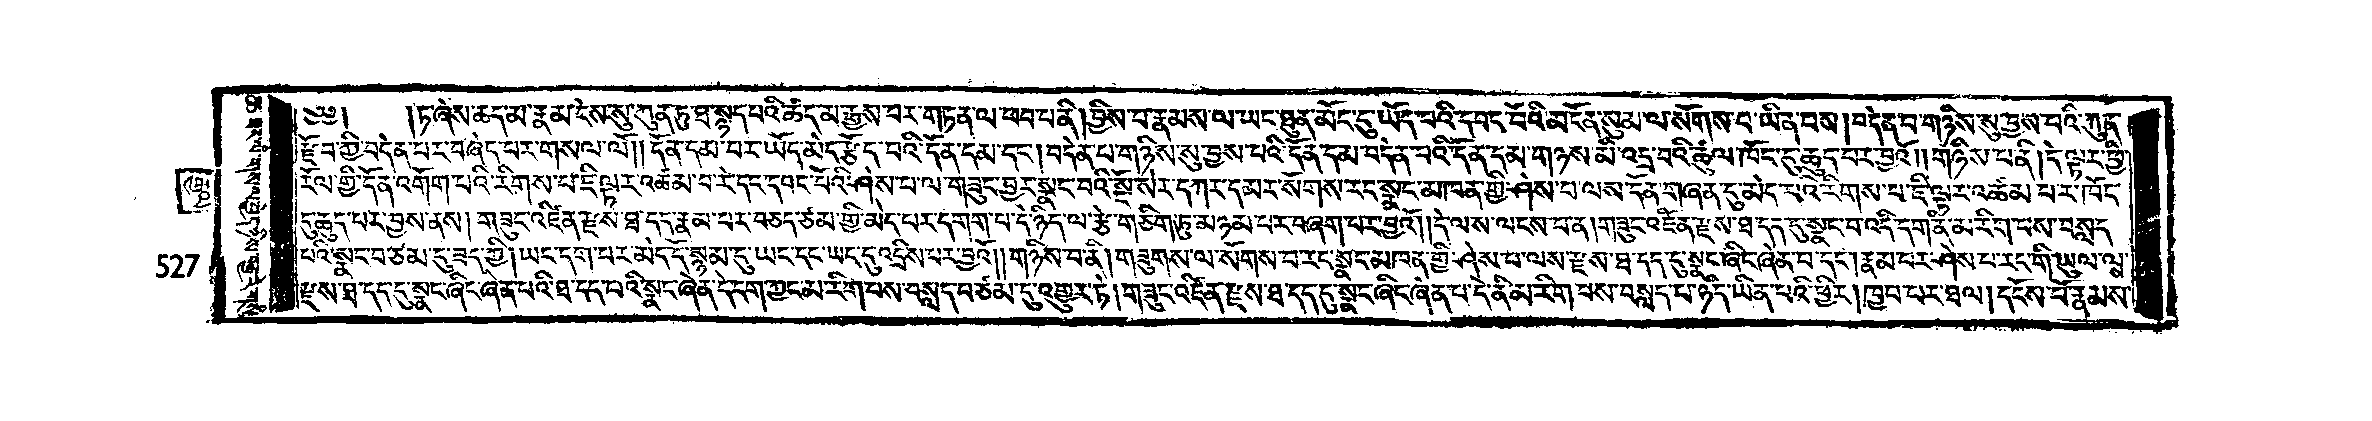༄༅། །ཏེ་?་ཞེས་ཚད་མ་རྣམ་ངེས་སུ་ཀུན་ཏུ་ཐ་སྙད་པའི་ཚད་མ་རྒྱས་པར་གཏན་ལ་ཕབ་པ་ནི། བྱིས་པ་རྣམས་ལ་ཡང་ཐུན་མོང་དུ་ཡོད་པའི་དབང་པོའི་མངོན་སུམ་ལ་སོགས་པ་ཡིན་པས། བདེན་པ་གཉིས་སུ་བྱས་པའི་ཀུན་
རྫོབ་ཀྱི་བདེན་པར་བཞེད་པར་གསལ་ལོ། །དོན་དམ་པར་ཡོད་མེད་རྩོད་པའི་དོན་དམ་དང་། བདེན་པ་གཉིས་སུ་བྱས་པའི་དོན་དམ་བདེན་པའི་དོན་དམ་གཉིས་མི་འདྲ་བའི་ཚུལ་ཁོང་དུ་ཚུད་པར་བྱའོ། །གཉིས་པ་ནི། དེ་ལྟར་ཕྱི་
རོལ་གྱི་དོན་འགོག་པའི་རིགས་པ་ཇི་ལྟར་འཚམ་པ་རེ་དང་དབང་པོའི་ཤེས་པ་ལ་གཟུང་བྱར་སྣང་བའི་སྔོ་སེར་དཀར་དམར་སོགས་རང་སྣང་མཁན་གྱི་ཤེས་པ་ལས་དོན་གཞན་དུ་མེད་པའི་རིགས་པ་ཇི་ལྟར་འཚམ་པར་ཁོང་
དུ་ཚུད་པར་བྱས་ནས། གཟུང་འཛིན་རྫས་ཐ་དད་རྣམ་པར་བཅད་ཙམ་གྱི་མེད་པར་དགག་པ་དེ་ཉིད་ལ་རྩེ་གཅིག་ཏུ་མཉམ་པར་བཞག་པར་བྱའོ། །དེ་ལས་ལངས་པ་ན། གཟུང་འཛིན་རྫས་ཐ་དད་དུ་སྣང་བ་འདི་དག་ནི་མ་རིག་པས་བསླད་
པའི་སྣང་བ་ཙམ་དུ་ཟད་ཀྱི། ཡང་དག་པར་མེད་དོ་སྙམ་དུ་ཡང་དང་ཡང་དུ་འདྲིས་པར་བྱའོ། །གཉིས་པ་ནི། གཟུགས་ལ་སོགས་པ་རང་སྣང་མཁན་གྱི་ཤེས་པ་ལས་རྫས་ཐ་དད་དུ་སྣང་ཞིང་ཞེན་པ་དང་། རྣམ་པར་ཤེས་པ་རང་གི་ཡུལ་ལས་
རྫས་ཐ་དད་དུ་སྣང་ཞིང་ཞན་པའི་ཐ་དད་པའི་སྣང་ཞེན་དེ་དག་ཀྱང་མ་རིག་པས་བསླད་པ་ཙམ་དུ་འགྱུར་ཏེ། གཟུང་འཛིན་རྫས་ཐ་དད་དུ་སྣང་ཞིང་ཞེན་པ་དེ་ནི་མ་རིག་པས་བསླད་པ་ཉིད་ཡིན་པའི་ཕྱིར། ཁྱབ་པར་ཐལ། དངོས་པོ་རྣམས་